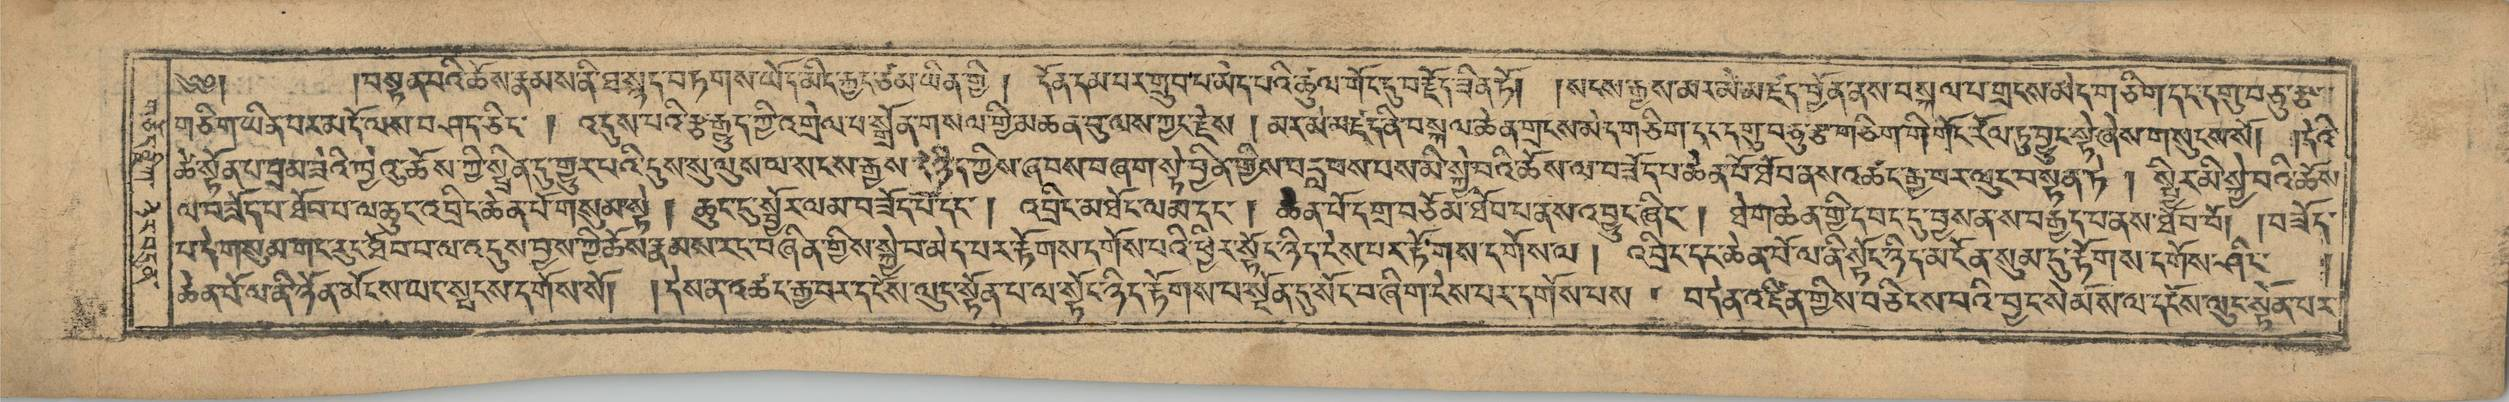༄༅། །བསྟན་པའི་ཆོས་རྣམས་ནི་ཐ་སྙད་བཏགས་ཡོད་མིང་རྐྱང་ཙམ་ཡིན་གྱི། དོན་དམ་པར་གྲུབ་པ་མེད་པའི་ཚུལ་གོང་དུ་བརྗོད་ཟིན་ཏོ། །སངས་རྒྱས་མར་མེ་མཛད་བྱོན་ནས་བསྐལ་པ་གྲངས་མེད་གཅིག་དང་དགུ་བཅུ་རྩ་
གཅིག་ཡིན་པར་མདོ་ལས་བཤད་ཅིང་། འདུས་པའི་རྩ་རྒྱུད་ཀྱི་འགྲེལ་པ་སྒྲོན་གསལ་གྱི་མཆན་བུ་ལས་ཀྱང་རྗེས། མར་མེ་མཛད་ནི་བསྐལ་ཆེན་གྲངས་མེད་གཅིག་དང་དགུ་བཅུ་རྩ་གཅིག་གི་གོང་རོལ་ཏུ་བྱུང་སྟེ་ཞེས་གསུངས་སོ། །དེའི་
ཚེ་སྟོན་པ་བྲམ་ཟེའི་ཁྱེའུ་ཆོས་ཀྱི་སྤྲིན་དུ་གྱུར་པའི་དུས་སུ་ལུས་ལ་སངས་རྒྱས་དེ་ཉིད་ཀྱིས་ཞབས་བཞག་སྟེ་བྱིན་གྱིས་བརླབས་པས་མི་སྐྱེ་བའི་ཆོས་ལ་བཟོད་པ་ཆེན་པོ་ཐོབ་ནས་འཚང་རྒྱ་བར་ལུང་བསྟན་ཏེ། སྤྱིར་མི་སྐྱེ་བའི་ཆོས་
ལ་བཟོད་པ་ཐོབ་པ་ལ་ཆུང་འབྲིང་ཆེན་པོ་གསུམ་སྟེ། ཆུང་ངུ་སྦྱོར་ལམ་བཟོད་པ་དང་། འབྲིང་མཐོང་ལམ་དང་། ཆེན་པོ་དགྲ་བཅོམ་ཐོབ་པ་ནས་འབྱུང་ཞིང་། ཐེག་ཆེན་གྱི་དབང་དུ་བྱས་ནས་བརྒྱད་པ་ནས་ཐོབ་པོ། །བཟོད་
པ་དེ་གསུམ་གང་རུང་ཐོབ་པ་ལ་འདུས་བྱས་ཀྱི་ཆོས་རྣམས་རང་བཞིན་གྱིས་སྐྱེ་བ་མེད་པར་རྟོགས་དགོས་པའི་ཕྱིར་སྟོང་ཉིད་ངེས་པར་རྟོགས་དགོས་ལ། འབྲིང་དང་ཆེན་པོ་ལ་ནི་སྟོང་ཉིད་མངོན་སུམ་དུ་རྟོགས་དགོས་ཤིང་།
ཆེན་པོ་ལ་ནི་ཉོན་མོངས་ཡང་སྤངས་དགོས་སོ། །དེས་ན་འཚང་རྒྱ་བར་དངོས་ལུང་སྟོན་པ་ལ་སྟོང་ཉིད་རྟོགས་པ་སྔོན་དུ་སོང་བ་ཞིག་ངེས་པར་དགོས་པས། བདེན་འཛིན་གྱིས་བཅིངས་བའི་བྱང་སེམས་ལ་དངོས་ལུང་སྟོན་པར་